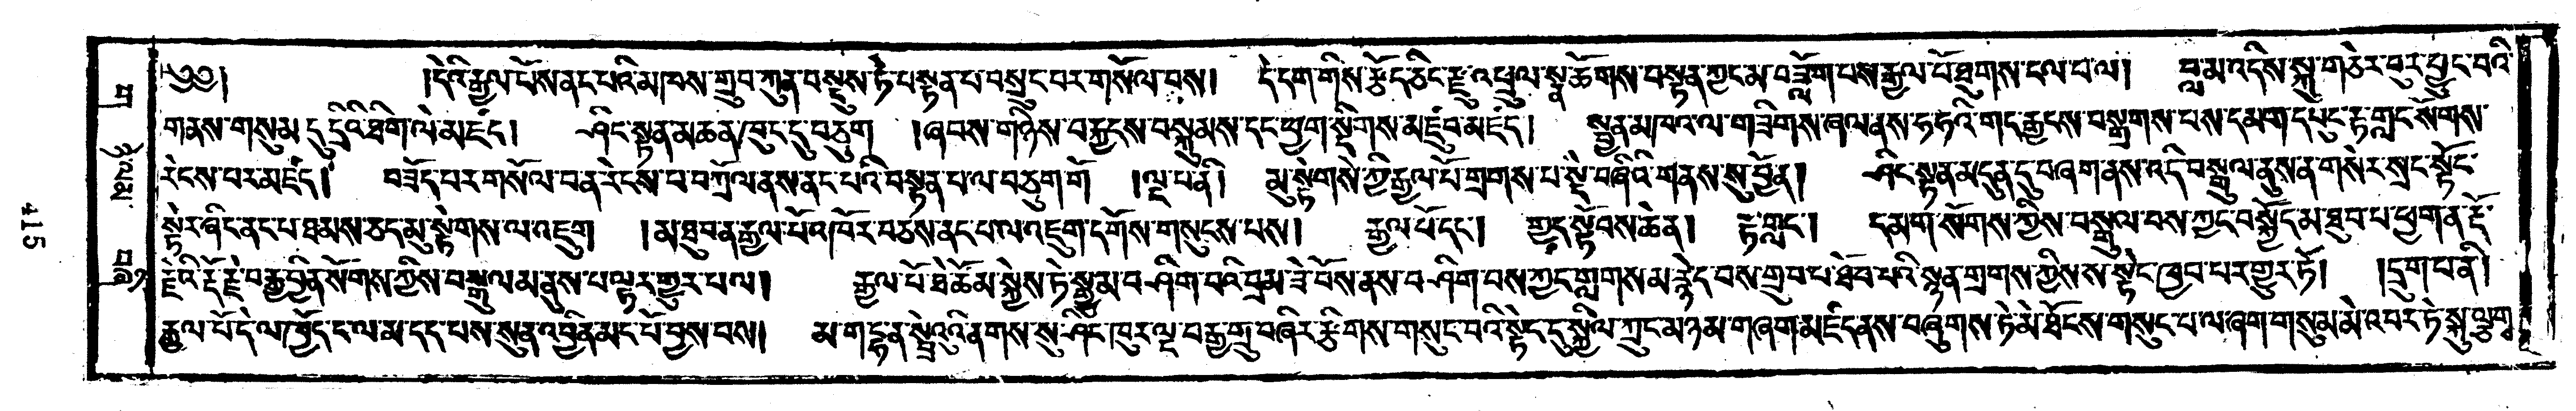༄༅། །དེའི་རྒྱལ་པོས་ནང་པའི་མཁས་གྲུབ་ཀུན་བསྡུས་ཏེ་བསྟན་པ་བསྲུང་བར་གསོལ་བས། དེ་དག་གིས་རྩོད་ཅིང་རྫུ་འཕྲུལ་སྣ་ཚོགས་བསྟན་ཀྱང་མ་བཟློག་པས་རྒྱལ་པོ་ཐུགས་ངལ་བ་ལ། བླ་མ་འདིས་སྐུ་གཅེར་བུར་བྱུང་བའི་
གནས་གསུམ་དུ་དྲིའི་ཐིག་ལེ་མཛད། ཤིང་སྟན་མཆན་ཁུང་དུ་བཅུག །ཞབས་གཉིས་བརྐྱངས་བསྐུམས་དང་ཕྱག་སྡིགས་མཛུབ་མཛད། སྤྱན་མཁའ་ལ་གཟིགས་ཞལ་ནས་ཧ་ཧའི་གང་རྒྱངས་བསྒྲགས་པས་དམག་དཔུང་རྟ་གླང་སོགས་
རེངས་པར་མཛད། བཟོད་པར་གསོལ་བ་ན་རེངས་པ་བཀྲོལ་ནས་ནང་པའི་བསྟན་པ་ལ་བཅུག་གོ །ལྔ་པ་ནི། མུ་སྟེགས་ཀྱི་རྒྱལ་པོ་གྲགས་པ་སྡེ་བཞིའི་གནས་སུ་བྱོན། ཤིང་སྟན་མདུན་དུ་བཞག་ནས་འདི་བསྒུལ་ནུས་ན་གསེར་སྲང་སྟོང་
སྟེར་ཞིང་ནང་པ་ཐམས་ཅད་མུ་སྟེགས་ལ་འཇུག །མ་ཐུབ་ན་རྒྱལ་པོ་འཁོར་བཅས་ནང་པ་ལ་འཇུག་དགོས་གསུངས་པས། རྒྱལ་པོ་དང་། གྱང་སྟོབས་ཆེན། རྟ་གླང་། དམག་སོགས་ཀྱིས་བསྒུལ་བས་ཀྱང་བསྐྱོད་མ་ཐུབ་པ་ཕྱག་ན་རྡོ་
རྗེའི་རྡོ་རྗེ་བརྒྱ་བྱིན་སོགས་ཀྱིས་བསྒུ་ལམ་ནུས་པ་ལྟར་གྱུར་པ་ལ། རྒྱལ་པོ་ཐེ་ཚོམ་སྐྱེས་ཏེ་སྒྱུ་མ་བཤིག་པའི་བྲམ་ཟེ་པོས་ནས་བཤིག་བས་ཀྱང་གླགས་མ་རྙེད་བས་གྲུབ་པ་ཐོབ་པའི་སྙན་གྲགས་ཀྱིས་ས་སྟེང་ཁྱབ་པར་གྱུར་ཏོ། །དྲུག་པ་ནི།
རྒྱལ་པོ་དེ་ལ་ཁྱོད་ང་ལ་མ་དད་པས་སུན་འབྱིན་མང་པོ་བྱས་པས། མ་ག་དྷ་ན་སྤྲེའུའི་ནགས་སུ་ཤིང་ཁུར་ལྔ་བརྒྱ་གྲུ་བཞིར་རྩིགས་གསུང་བའི་སྟེང་དུ་སྐྱིལ་ཀྲུང་མཉམ་གཞག་མཛད་ནས་བཞུགས་ཏེ་མེ་ཐོངས་གསུང་པ་ལ་ཞག་གསུམ་མེ་འབར་ཏེ་སྐུ་ལྕགས་